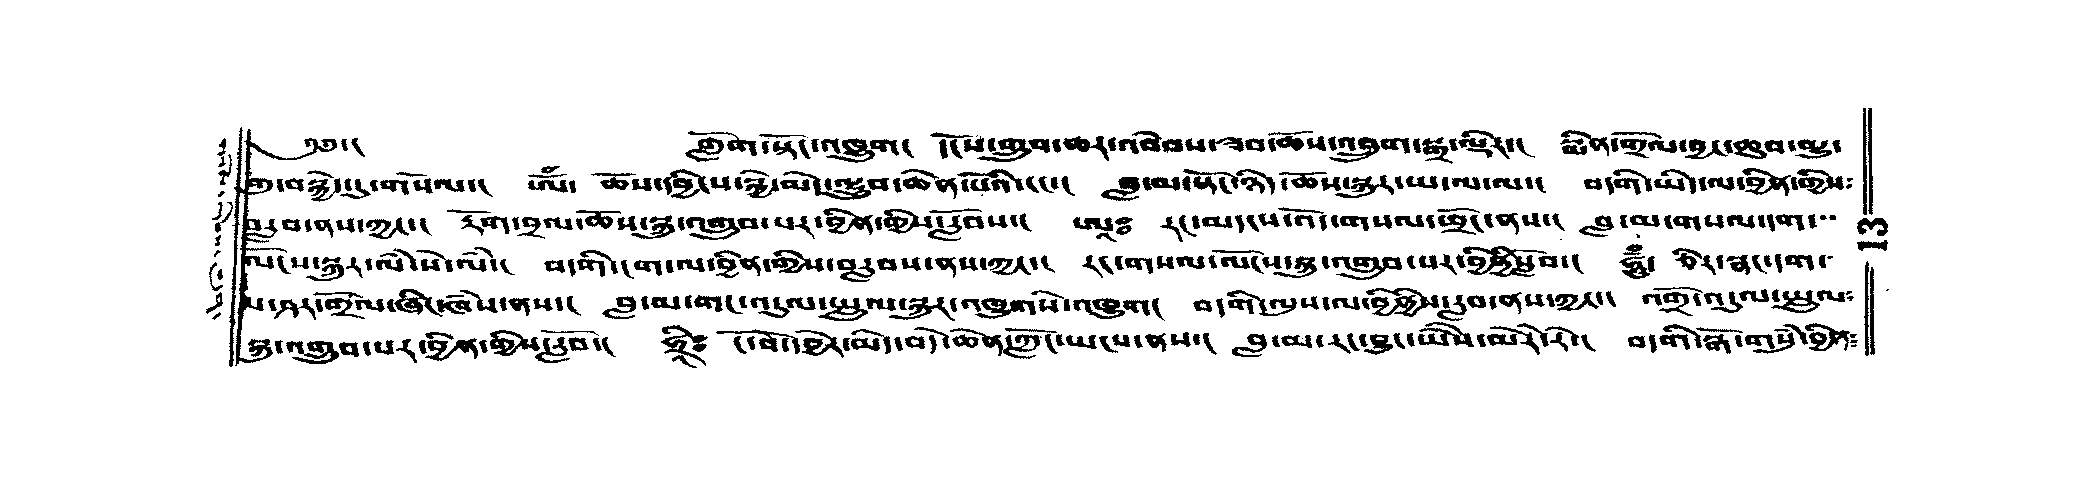གློག་སྟོང་འཁྱུག །དངོས་གྲུབ་ཆར་འབེབས་ཟབ་ཆོས་འབྲུག་སྒྲ་ལྡིར། །སྨིན་གྲོལ་བྱང་ཆུབ་མྱུ་
གུ་བསྐྱེད་དུ་གསོལ། ཨོྃ། ཆོས་དབྱིངས་སྐྱེ་མེད་ལྷུན་གྲུབ་ཆེན་པོའི་ངང་། །བླ་མ་སྟོང་ཉིད་ཆོས་སྐུར་ཡ་ལ་ལ། །བདག་གི་ཡིད་ལ་བྱིན་གྱིས་
བརླབས་ནས་ཀྱང་། །རྟོག་བྲལ་ཆོས་སྐུ་འགྲུབ་པར་བྱིན་གྱིས་རློབས། ཨཱཿ རང་མདངས་འགག་མེད་འོད་གསལ་ཕོ་བྲང་ནས། བླ་མ་གསལ་དག་
ལོངས་སྐུར་ལམ་སེ་ལམ། བདག་གི་ངག་ལ་བྱིན་གྱིས་བརླབས་ནས་ཀྱང་། རང་གསལ་ལོངས་སྐུ་འགྲུབ་པར་བྱིན་གྱིས་རློབ། ཧཱུྃ། ཅིར་སྣང་དག་
པ་ཤར་གྲོལ་ཞིང་ཁམས་ནས། །བླ་མ་གང་འདུལ་སྤྲུལ་སྐུར་འཁྱུགས་སེ་འཁྱུག །བདག་གི་ལུས་ལ་བྱིན་གྱིས་རླབས་ནས་ཀྱང་། །འགྲོ་འདུལ་སྤྲུལ་
སྐུ་འགྲུབ་པར་བྱིན་གྱིས་རློབས། ཧྲཱིཿ ངོ་བོ་དབྱེར་མེད་བདེ་ཆེན་ཀློང་ཡངས་ནས། །བླ་མ་རང་བྱུང་ཡེ་ཤེས་མེར་རེ་རེ། །བདག་གི་སྒོ་གསུམ་བྱིན་